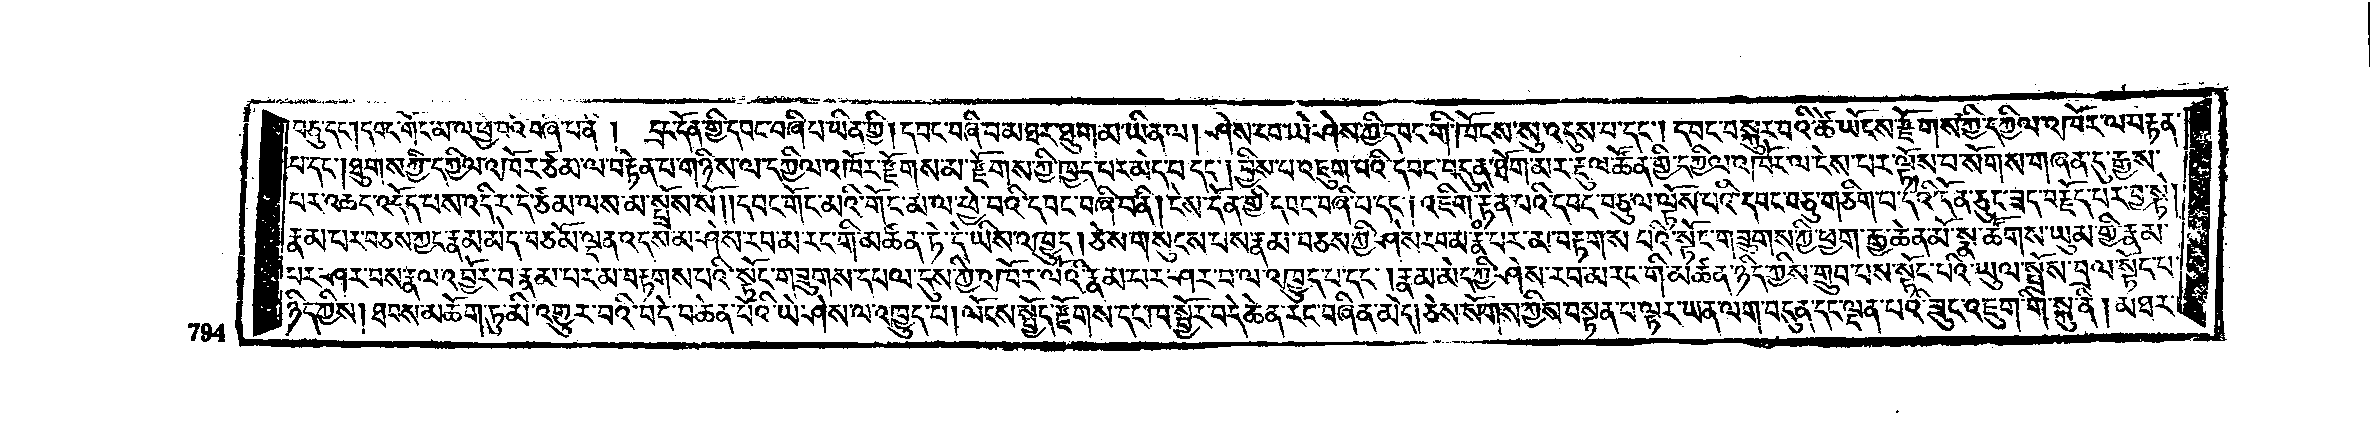བཅུ་དང་། དབང་གོང་མ་ལ་ཕྱེ་བའི་བཞི་པ་ནི། དྲང་དོན་གྱི་དབང་བཞི་པ་ཡིན་གྱི། དབང་བཞི་པ་མཐར་ཐུག་མ་ཡིན་ལ། ཤེས་རབ་ཡེ་ཤེས་ཀྱི་དབང་གི་ཁོངས་སུ་འདུས་པ་དང་། དབང་བསྐུར་བའི་ཚེ་ཡོངས་རྫོགས་ཀྱི་དཀྱིལ་འཁོར་ལ་བརྟན་
པ་དང་། ཐུགས་ཀྱི་དཀྱིལ་འཁོར་ཙམ་ལ་བརྟེན་པ་གཉིས་ལ་དཀྱིལ་འཁོར་རྫོགས་མ་རྫོགས་ཀྱི་ཁྱད་པར་མེད་པ་དང་། བྱིས་པ་འཇུག་པའི་དབང་བདུན་ཐོག་མར་རྡུལ་ཚོན་གྱི་དཀྱིལ་འཁོར་ལ་ངེས་པར་ལྟོས་པ་སོགས་གཞན་དུ་རྒྱས་
པར་འཆང་འདོད་པས་འདིར་དེ་ཙམ་ལས་མ་སྤྲོས་སོ། །དབང་གོང་མའི་གོང་མ་ལ་ཕྱེ་བའི་དབང་བཞི་པ་ནི། ངེས་དོན་གྱི་དབང་བཞི་པ་དང་། འཇིག་རྟེན་པའི་དབང་བཅུ་ལ་ལྟོས་པའི་དབང་བཅུ་གཅིག་པ་དེའི་དོན་ཅུང་ཟད་བརྗོད་པར་བྱ་སྟེ།
རྣམ་པར་བཅས་ཀྱང་རྣམ་མེད་བཅོམ་ལྡན་འདས་མ་ཤེས་རབ་མ་རང་གི་མཚན་ཏེ་དེ་ཡིས་འཁྱུད། ཅེས་གསུངས་པས་རྣམས་བཅས་ཀྱི་ཤེས་རབ་མ་རྣམས་པར་མ་བརྟགས་པའི་སྟོང་གཟུགས་ཀྱི་ཕྱག་རྒྱ་ཆེན་མོ་སྣ་ཚོགས་ཡུམ་གྱི་རྣམ་
པར་ཤར་བས་རྣལ་འབྱོར་བ་རྣམ་པར་མ་བརྟགས་པའི་སྟོང་གཟུགས་དཔལ་དུས་ཀྱི་འཁོར་ལོའི་རྣམ་པར་ཤར་བ་ལ་འཁྱུད་པ་དང་། རྣམ་མེད་ཀྱི་ཤེས་རབ་མ་རང་གི་མཚན་ཉིད་ཀྱིས་གྲུབ་པས་སྟོང་པའི་ཡུལ་སྤྲོས་བྲལ་སྟོང་པ་
ཉིད་ཀྱིས། ཐབས་མཆོག་ཏུ་མི་འགྱུར་བའི་བདེ་བ་ཆེན་པོའི་ཡེ་ཤེས་ལ་འཁྱུད་པ། ལོངས་སྤྱོད་རྫོགས་དང་ཁ་སྦྱོར་བདེ་ཆེན་རང་བཞིན་མེད། ཅེས་སོགས་ཀྱིས་བསྟན་པ་ལྟར་ཡན་ལག་བདུན་དང་ལྡན་པའི་ཟུང་འཇུག་གི་སྐུ་ནི། མཐར་